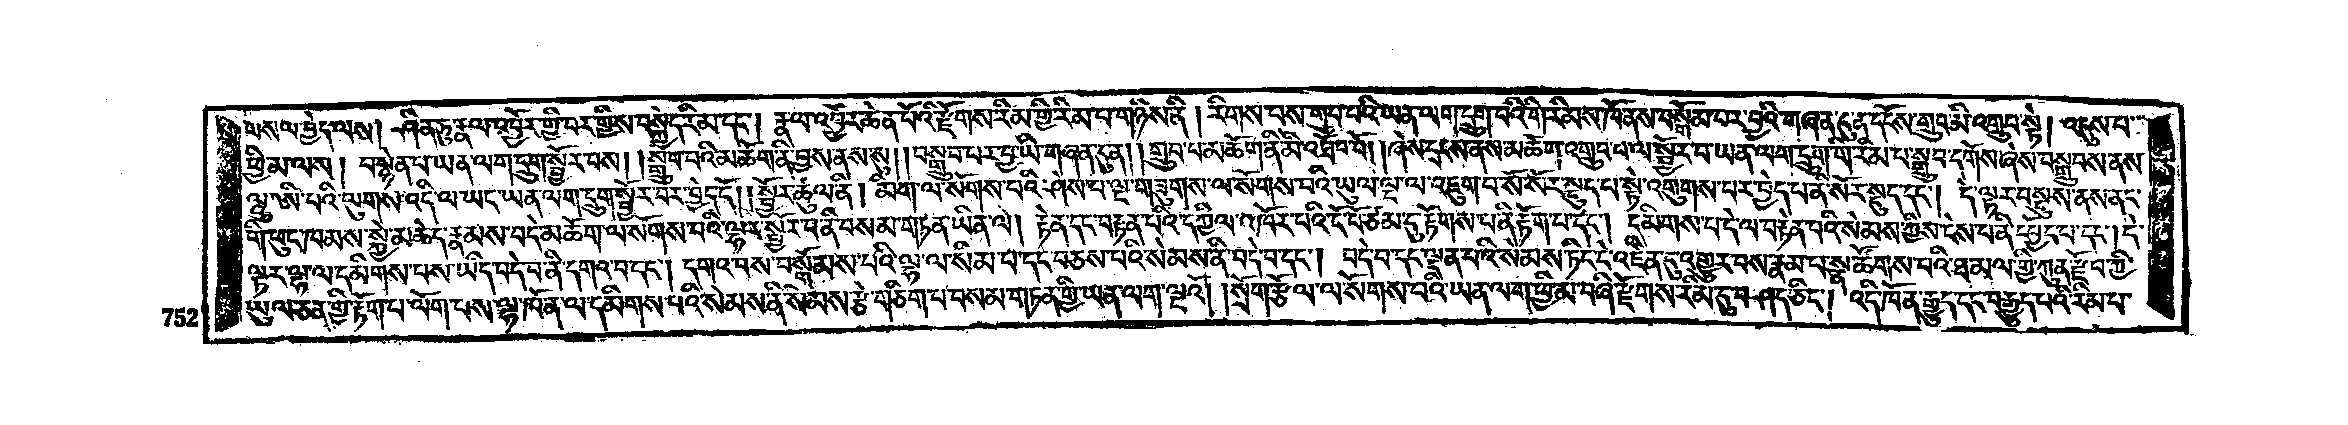གསལ་བྱེད་ལས། ཤིན་ཏུ་རྣལ་འབྱོར་གྱི་བར་གྱིས་བསྐྱེད་རིམ་དང་། རྣལ་འབྱོར་ཆེན་པོའི་རྫོགས་རིམ་གྱི་རིམ་པ་གཉིས་ནི། རིགས་པས་གྲུབ་པའི་ཡན་ལག་དྲུག་པའི་གོ་རིམས་ཁོ་ནས་བསྒོམ་པར་བྱའི་གཞན་དུ་ན་དངོས་གྲུབ་མི་འགྲུབ་སྟེ། འདུས་པ་
ཕྱི་མ་ལས། བསྙེན་པ་ཡན་ལག་དྲུག་སྦྱོར་བས། །སྒྲུབ་པའི་མཆོག་ནི་བྱས་ནས་སུ། །བསྒྲུབ་པར་བྱ་ཡི་གཞན་དུ་ན། །གྲུབ་པ་མཆོག་ནི་མི་འཐོབ་བོ། །ཞེས་དྲངས་ནས་མཆོག་འགྲུབ་པ་ལ་སྦྱོར་བ་ཡན་ལག་དྲུག་གི་རིམ་པ་སྒྲུབ་དགོས་ཞེས་བསྒྲུབས་ནས་
ལཱུ་ཨི་པའི་ལུགས་འདི་ལ་ཡང་ཡན་ལག་དྲུག་སྦྱོར་བར་བྱེད་དོ། །སྦྱོར་ཚུལ་ནི། མིག་ལ་སོགས་པའི་ཤེས་པ་ལྔ་གཟུགས་ལ་སོགས་པའི་ཡུལ་ལྔ་ལ་འཇུག་པ་སོ་སོར་སྡུད་པ་སྟེ་འགུགས་པར་བྱེད་པ་ནི་སོར་སྡུད་དང་། དེ་ལྟར་བསྡུས་ནས་ནང་
གི་ཕུང་ཁམས་སྐྱེ་མཆེད་རྣམས་བདེ་མཆོག་ལ་སོགས་པའི་ལྷར་སྦྱོར་བ་ནི་བསམ་གཏན་ཡིན་ལ། རྟེན་དང་བརྟན་པའི་དཀྱིལ་འཁོར་པའི་ངོ་བོ་ཙམ་དུ་རྟོགས་པ་ནི་རྟོག་པ་དང་། དམིགས་པ་དེ་ལ་བརྟེན་པའི་སེམས་ཀྱིས་ངེས་པ་ནི་དཔྱོད་པ་དང་། དེ་
ལྟར་ལྷ་ལ་དམིགས་པས་ཡིད་བདེ་བ་ནི་དགའ་བ་དང་། དགའ་བས་བསྒོམས་པའི་ལྷ་ལ་སིམ་པ་དང་བཅས་པའི་སེམས་ནི་བདེ་བ་དང་། བདེ་བ་དང་ལྡན་པའི་སེམས་ཏིང་ངེ་འཛིན་དུ་འགྱུར་བས་རྣམ་པ་སྣ་ཚོགས་པའི་ཐ་མལ་གྱི་ཀུན་རྫོབ་ཀྱི་
ཡུལ་ཅན་གྱི་རྟོག་པ་ལོག་པས་ལྷ་ཁོ་ན་ལ་དམིགས་པའི་སེམས་ནི་སེམས་རྩེ་གཅིག་པ་བསམ་གཏན་གྱི་ཡན་ལག་ལྔའོ། །སྲོལ་རྩོལ་ལ་སོགས་པའི་ཡན་ལག་ཕྱི་མ་བཞི་རྫོགས་རིམ་དུ་བཤད་ཅིང་། འདི་ཁོ་ན་རྒྱུད་དང་བརྒྱུད་པའི་རིམ་པ་